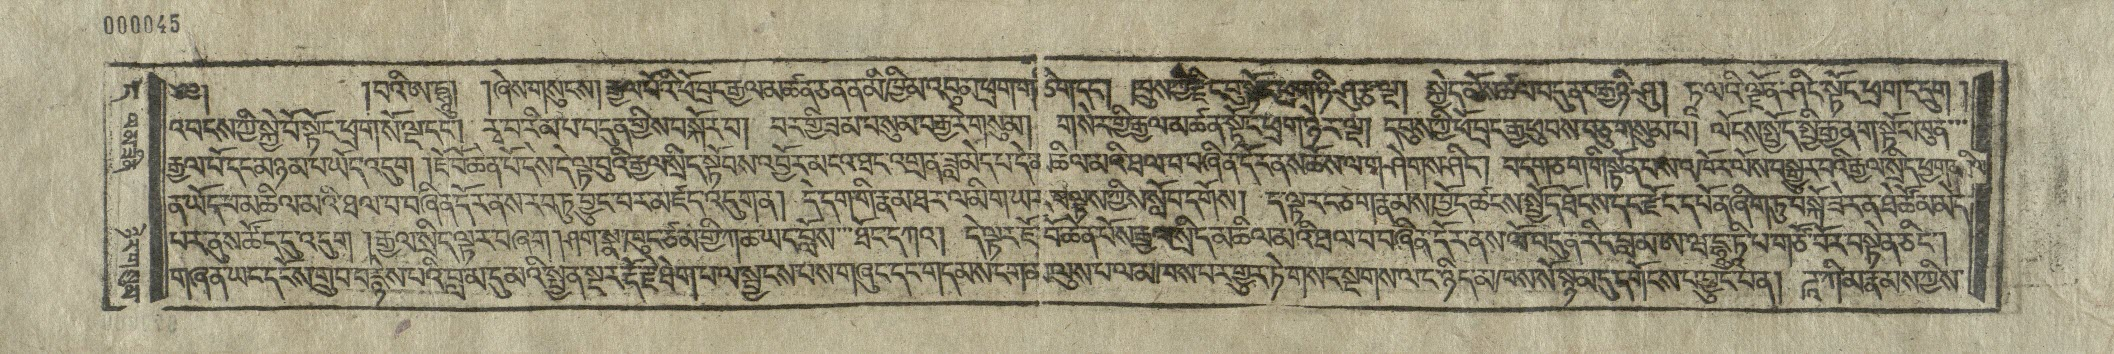༄༅། །བའི་ཨ་དྷཱུ། །ཞེས་གསུངས། རྒྱལ་པོའི་ཕོ་བྲང་རྒྱལ་མཚན་ཅན་ན་མི་ཁྱིམ་འབུམ་ཕྲག་གཅིག་དང་། ཁྲུས་ཀྱི་རྫིང་བུ་སྟོང་ཕྲག་ཉི་ཤུ་རྩ་ལྔ། སྐྱེད་མོས་ཚལ་བདུན་བརྒྱ་ཉི་ཤུ། ཏཱ་ལའི་ལྗོན་ཤིང་སྟོང་ཕྲག་ང་དྲུག །
འབངས་ཀྱི་སྐྱེ་བོ་སྟོང་ཕྲག་སོ་ལྔ་དང་། རྭ་བ་རིམ་པ་བདུན་གྱིས་བསྐོར་བ། བར་གྱི་ཟམ་པ་སུམ་བརྒྱ་རེ་གསུམ། གསེར་གྱི་རྒྱལ་མཚན་སྟོང་ཕྲག་ཉེར་ལྔ། དབུས་ཀྱི་ཕོ་བྲང་རྒྱ་ཕུབས་བཅུ་གསུམ་པ། ལོངས་སྤྱོད་སྤྱི་རྒྱ་ནག་སྟོང་ཁུན་
རྒྱལ་པོ་དང་མཉམ་པ་ཡོད་འདུག །ཇོ་བོ་ཆེན་པོ་དེས་དེ་ལྟ་བུའི་རྒྱལ་སྲིད་སྟོབས་འབྱོར་མངའ་ཐང་འགྲན་ཟླ་མེད་པ་དེ་འཆིལ་མའི་ཐལ་བ་བཞིན་དོར་ནས་ཆོས་ལ་གཤེགས་ཤིང་། བདག་ཅག་གི་སྟོན་པས་འཁོར་ལོས་བསྒྱུར་བའི་རྒྱལ་སྲིད་ཕྱག་མཐིལ་
ན་ཡོད་པ་མཆིལ་མའི་ཐལ་བ་བཞིན་དོར་ནས་རབ་ཏུ་བྱུང་བར་མཛད་འདུག་ན། དེ་དག་གི་རྣམ་ཐར་ལ་མིག་ཡར་བལྟས་ཀྱིས་སློབ་དགོས། ད་ལྟ་རང་ཅག་རྣམས་ཁྱོད་ཚངས་སྤྱོད་ཐོངས་དང་རྫོང་དཔོན་ཞིག་ཏུ་བསྐོ་ཟེར་ན་ཐེ་ཚོམ་མེད་
པར་ནུས་ཚོད་དུ་འདུག །རྒྱལ་སྲིད་ལྟར་བཞག །ཤག་སྣ་ཁུང་ཙམ་གྱི་ཀ་ཆ་ཡང་བློས་ཐོང་དཀའ། དེ་ལྟར་ཇོ་བོ་ཆེན་པོས་རྒྱལ་སྲིད་མཆིལ་མའི་ཐལ་བ་བཞིན་དོར་ནས་ལོ་བདུན་རིང་བླ་མ་ཨ་ཝ་དྷཱུ་ཏཱི་པ་གཙོ་བོར་བསྟེན་ཅིང་།
གཞན་ཡང་དངོས་གྲུབ་བརྙེས་པའི་བླ་མ་དུ་མའི་སྤྱན་སྔར་རྡོ་རྗེ་ཐེག་པ་ལ་སྦྱངས་པས་གཞུང་དང་གདམས་ངག་མ་ལུས་པ་ལ་མཁས་པར་གྱུར་ཏེ་གསང་སྔགས་ལ་ང་ཉིད་མཁས་སོ་སྙམ་དུ་དགོངས་པ་བྱུང་བ་ན། ཌཱ་ཀི་མ་རྣམས་ཀྱིས་